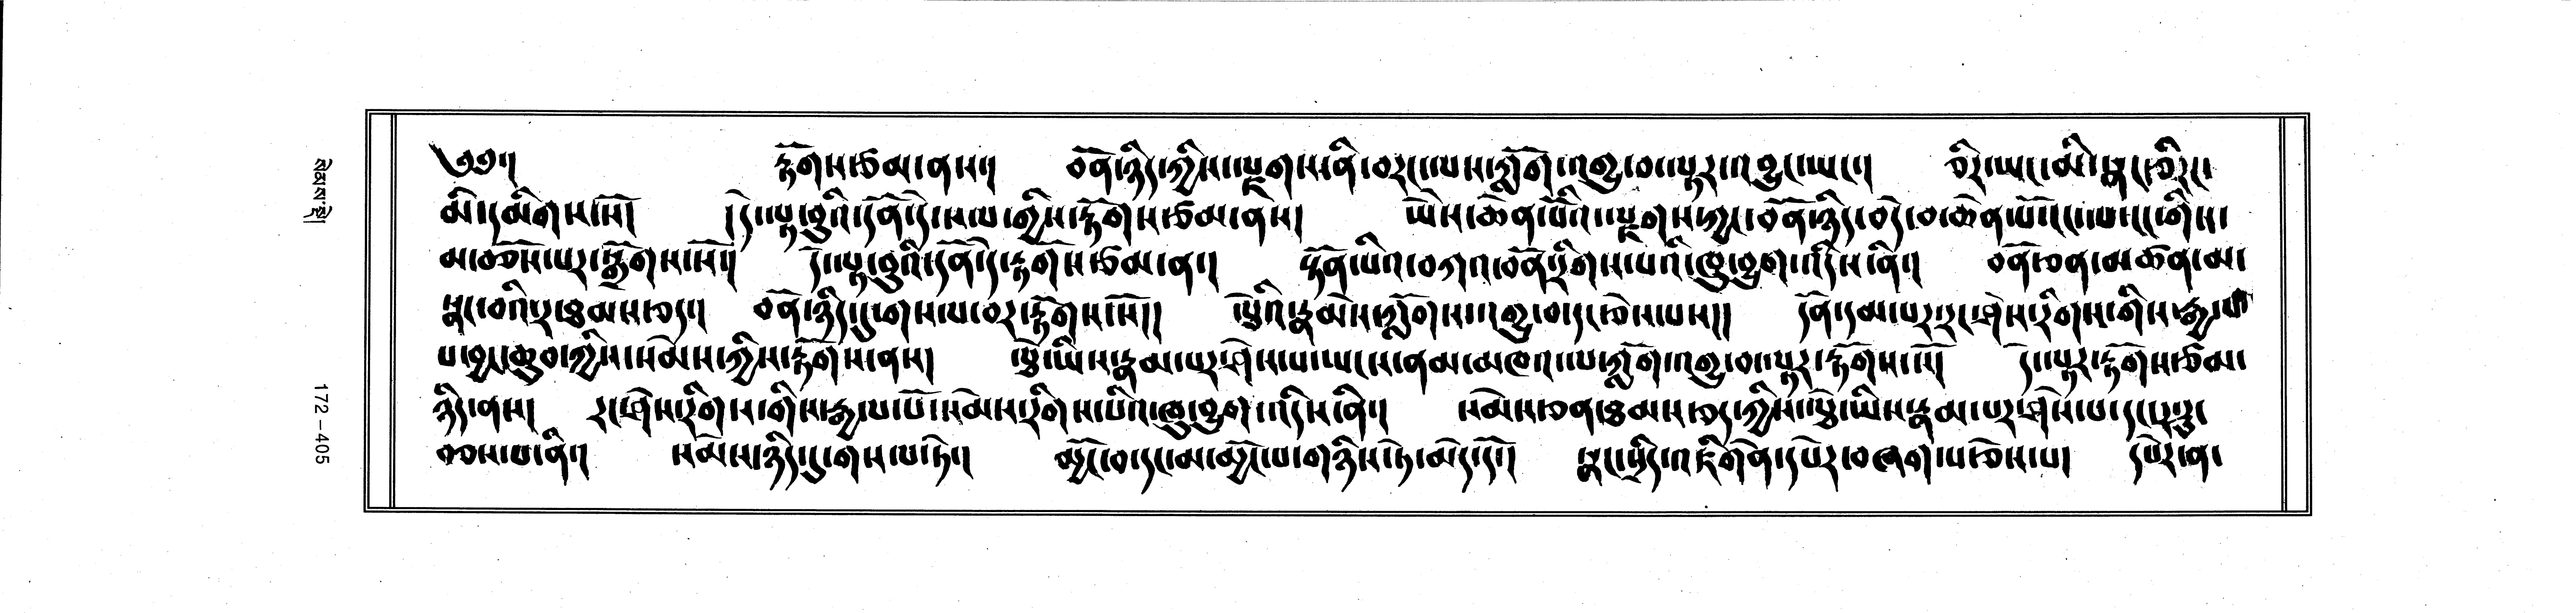རྟོགས་ཙམ་ནས། བོན་ཉིད་ཀྱིས་ལྗགས་ནི་བར་སྣང་ལས་གློག་འགྱུ་བ་ལྟར་འབྱུང་ཡང་། ཅིར་ཡང་མི་སྣང་
མི་དམིགས་སོ། དེ་ལྟར་བུའི་དོན་དེ་སལ་གྱིས་རྟོགས་ཙམ་ནས། ཡེ་ཤེས་ཆེན་པོའི་ལྗགས་ཀྱང་བོན་ཉིད་བདེ་བ་ཆེན་པོ་ངང་ལ་ངང་གིས་
མ་བཅོས་པར་སྒྲོགས་སོ། དེ་ལྟ་བུའི་དོན་དེ་རྟོགས་ཙམ་ན། སྟོན་པའི་བཀའ་བོན་རིག་པའི་ཁུ་བྱུག་འདིས་ནི། བོན་ཅན་མཚན་མ་
སྣང་བའི་རོ་ཐམས་ཅད། བོན་ཉིད་དུ་གསལ་བར་རྟོགས་སོ། ལྕེའི་རྣམ་ཤེས་གློག་འགྱུ་བ་དང་ཅེས་པས། དོན་དམ་པར་རང་ཤེས་རིགས་གིས་རྒྱལ་
པོ་བྱང་ཆུབ་ཀྱི་སེམས་ཀྱིས་རྟོགས་ནས། ལྕེ་ཡིས་རྣམ་པར་ཤེས་པ་ཡང་ནང་མཁའ་ལ་གློག་འགྱུ་ལྟར་རྟོགས་སོ། དེ་ལྟར་རྟོགས་ཙམ་
ཉིད་ནས། རང་ཤེས་རིགས་གིས་རྒྱལ་པོ་སེམས་རིག་པའི་ཁུ་བྱུག་འདིས་ནི། སེམས་ཅན་ཐམས་ཅན་ཀྱིས་ལྕེ་ཡིས་རྣམ་པར་ཤེས་པ་དང་ར་རུ་
བཅས་པ་ནི། སེམས་ཉིད་དུ་གསལ་ཏེ། མྱོང་བ་དང་མ་མྱོང་པ་གཉིས་ཏེ་མེད་དོ། སྣང་སྲིད་འཇིག་རྟེན་དཔེར་བཞག་པ་ཅེས་པ། དཔེར་ན་